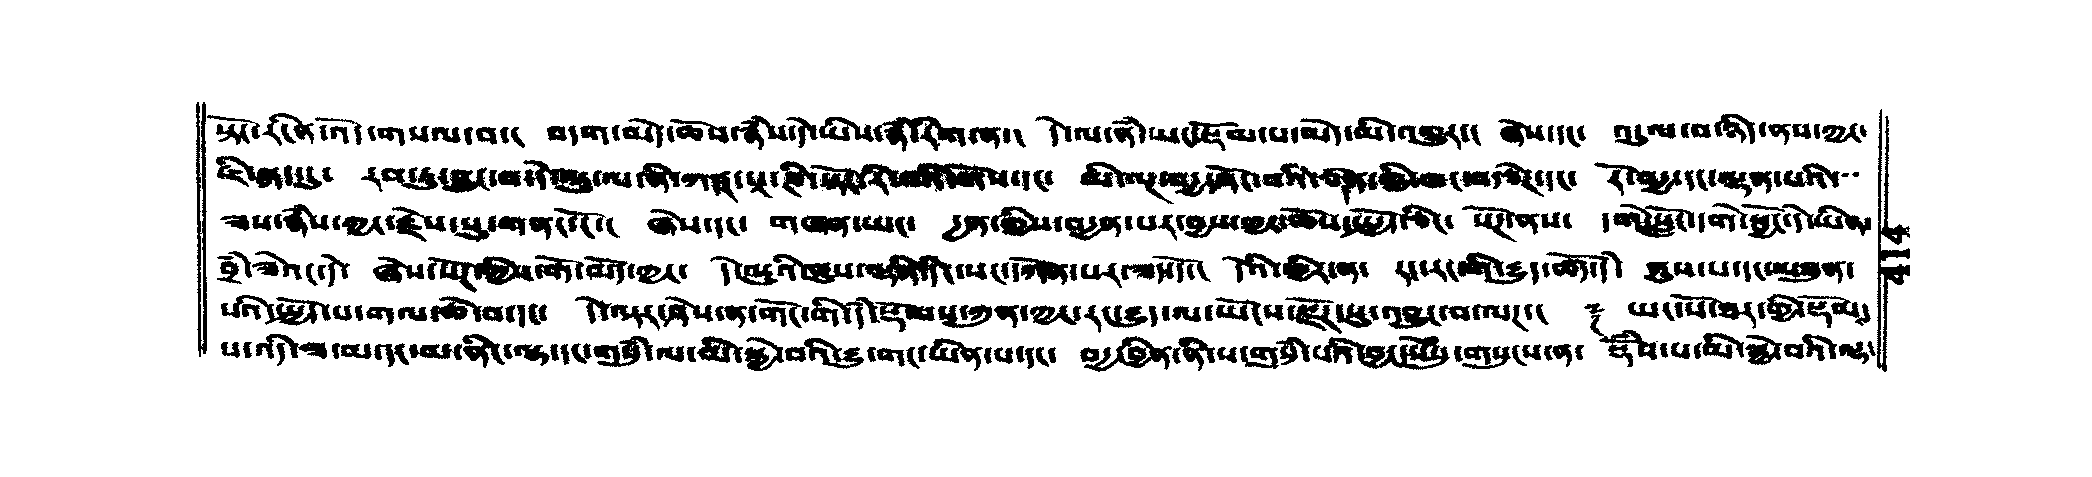སྟོང་རང་བཞིན་འོད་གསལ་བ། །བདག་མེད་ཆོས་རྣམས་དེ་ཡིས་རྣམ་རིག་ན། །དེ་ལ་ནམ་ཡང་སྡོམ་པ་མེད་མི་འགྱུར། ཞེས་དང་། འདུལ་བ་ཉིད་ནས་ཀྱང་
ཇི་སྐད་དུ། རབ་ཏུ་བྱུང་བ་དེ་ལྟ་བུ་ལ་ནི་ཀ་ར་པཱ་ཎི་སྟོང་རི་བའི་གོས་དང་། མི་ལྔ་བརྒྱ་ཤོང་བའི་ཙནྡན་གྱི་ཁང་བརྩེགས་དང་། རོ་བརྒྱ་དང་ལྡན་པའི་
ཟས་རྣམས་ཀྱང་རྗེས་སུ་གནང་ངོ་། ཞེས་དང་། གཞན་ཡང་། རྒྱན་གྱིས་བརྒྱན་པར་བྱས་ཀྱང་ཆོས་སྤྱོད་ཅིང་། སོགས་ནས། དགེ་སློང་དགེ་སྦྱོང་དེ་ཡིན་
བྲམ་ཟེའང་དེ། ཞེས་སོགས་ཀྱིས་གོ་མོད་ཀྱང་། དེ་ལྟ་བུའི་ནུས་ལྡན་ནི་དིང་སང་དཀོན་པར་ཟད་དོ། དེའི་ཕྱིར་ན། རང་རང་གི་རྒྱུད་ཚོད་དམ། ནུས་པ་དང་མཐུན་
པའི་སྤྱོད་པ་གལ་ཆེ་བ་དང་། དེ་ལྟར་ཤེས་ན་གོང་གི་དམ་སྡོམ་ཀུན་ཀྱང་རང་རྒྱུད་ལ་ཡོངས་རྫོགས་སུ་འབྱུང་བ་ལགས། ཡང་སོ་ཐར་གྱི་སྡོམ་
པ་འདི་ཟ་མ་དང་མ་ནིང་ལྷ་དང་གསུམ་ལ་མི་སྐྱེ་བའི་རྒྱུ་གང་ཡིན་པ་དང་། བརྒྱ་བྱིན་ནི་ས་གསུམ་པའི་བྱང་སེམས་སུ་གསུངས་ན། སྡོམ་པ་མི་སྐྱེ་བའི་ལྷ་